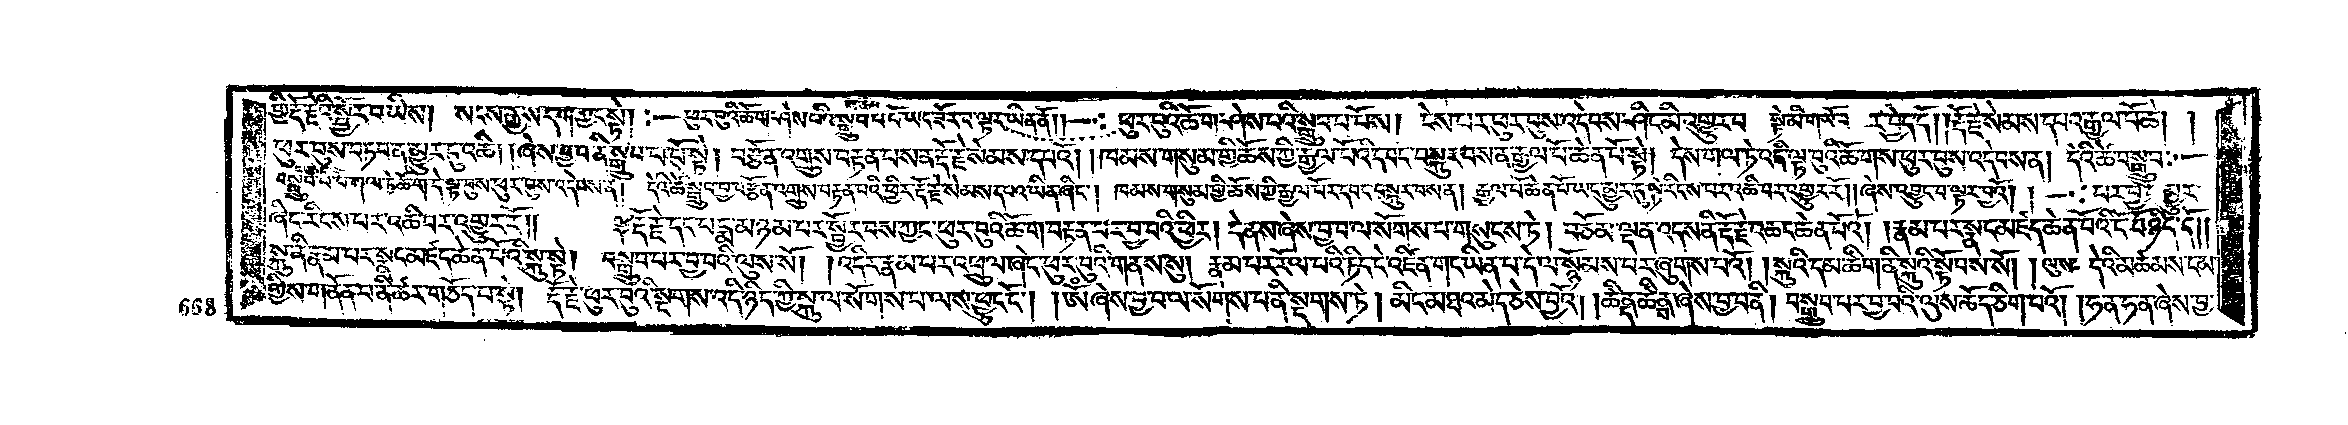གྱི་རྡོ་རྗེའི་སྦྱོར་བ་ཡིས། སངས་རྒྱས་དག་ཀྱང་སྟེ།H.་ཕུར་བུའི་ཆོ་ག་ཤེས་པའི་སྒྲུབ་པ་ཚབ་པ་པོ་ཡང་ཟེར་བ་ལྟར་ཡིན་ནོ།།  .H ཕུར་བུའི་ཆོ་ག་ཤེས་པའི་སྒྲུབ་པ་པོས། ངེས་པར་ཕུར་བུས་འདེབས་ཤིང་མི་འགྱུར་བ་སྟེ་མི་གཡོ་བར་བྱེད་དོ། །རྡོ་རྗེ་སེམས་དཔའ་རྒྱལ་པོ་ཆེ། །
ཕུར་བུས་བཏབ་ན་མྱུར་དུ་འཆི། །ཞེས་བྱ་བ་ནི་སྒྲུབ་པ་པོ་སྟེ། བརྩོན་འགྲུས་བརྟན་པས་ན་རྡོ་རྗེ་སེམས་དཔའོ། །ཁམས་གསུམ་གྱི་ཆོས་ཀྱི་རྒྱལ་པོའི་དབང་བསྐུར་བས་ན་རྒྱལ་པོ་ཆེན་པོ་སྟེ། དེས་གལ་ཏེ་འདི་ལྟ་བུའི་ཆོ་གས་ཕུར་བུས་འདེབས་ན། དེའི་ཚེ་བསྒྲུབཿ
པ་ཚབ་བསྒྲུབ་པ་པོ་གལ་ཏེ་ཆོ་ག་དེ་ལྟ་བུས་ཕུར་བུས་འདེབས་ན། དེའི་ཚེ་སྒྲུབ་བྱ་བརྩོན་འགྲུས་བརྟན་པའི་ཕྱིར་རྡོ་རྗེ་སེམས་དཔའ་ཡིན་ཞིང་། ཁམས་གསུམ་གྱི་ཆོས་ཀྱི་རྒྱལ་པོར་དབང་བསྐུར་བས་ན། རྒྱལ་པོ་ཆེན་པོ་ཡང་མྱུར་དུ་སྟེ་རིངས་པར་འཆི་བར་འགྱུར་རོ། །ཞེས་འབྱུང་བ་ལྟར་བྱའོ། །  .Hཔར་བྱ་བ་མྱུར་
ཞིང་རིངས་པར་འཆི?་བར་འགྱུར་རོ།། ༈རྡོ་རྗེ་དང་པདམ་མཉམ་པར་སྦྱོར་བས་ཀྱང་ཕུར་བུའི་ཆོ་ག་བརྟན་པར་བྱ་བའི་ཕྱིར། དེ་ནས་ཞེས་བྱ་བ་ལ་སོགས་པ་གསུངས་ཏེ། བཅོམ་ལྡན་འདས་ནི་རྡོ་རྗེ་འཆང་ཆེན་པོའོ། །རྣམ་པར་སྣང་མཛད་ཆེན་པོའི་ངོ་བོ་ཉིད་དོ། །
སྐུ་ནི་རྣམ་པར་སྣང་མཛད་ཆེན་པོའི་སྐྱེ་ལྟ། བསྒྲུབ་པར་བྱ་བའི་ལུས་སོ། །འདིར་རྣམ་པར་འཕྲུལ་ཞིང་ཕུར་བུའི་གནས་སུ། རྣམ་པར་རོལ་པའི་ཏིང་ངེ་འཛིན་གང་ཡིན་པ་དེ་ལ་སྙོམས་པར་ཞུགས་པའོ། །སྐུའི་དམ་ཚིག་ནི་སྐུའི་སྟོབས་སོ། ། ལུས་དེའི་མཚམས་དམ་
གྱིས་གནོན་པ་ནི་ཚར་གཅོད་པ་སྟེ། རྡོ་རྗེ་ཕུར་བུའི་སྔགས་འདི་ཉིད་ཀྱི་སྐུ་ལ་སོགས་པ་ལས་ཕྱུང་ངོ། །ཨོཾ་ཞེས་བྱ་བ་ལ་སོགས་པ་ནི་སྔགས་ཏེ། མིང་མཐའ་མེད་ཅེས་བྱའོ། །ཚིནྡ་ཚིནྡ་ཞེས་བྱ་བ་ནི། བསྒྲུབ་པར་བྱ་བའི་ལུས་ཆོད་ཅིག་པའི། །ཧ་ན་ཧ་ན་ཞེས་བྱ་